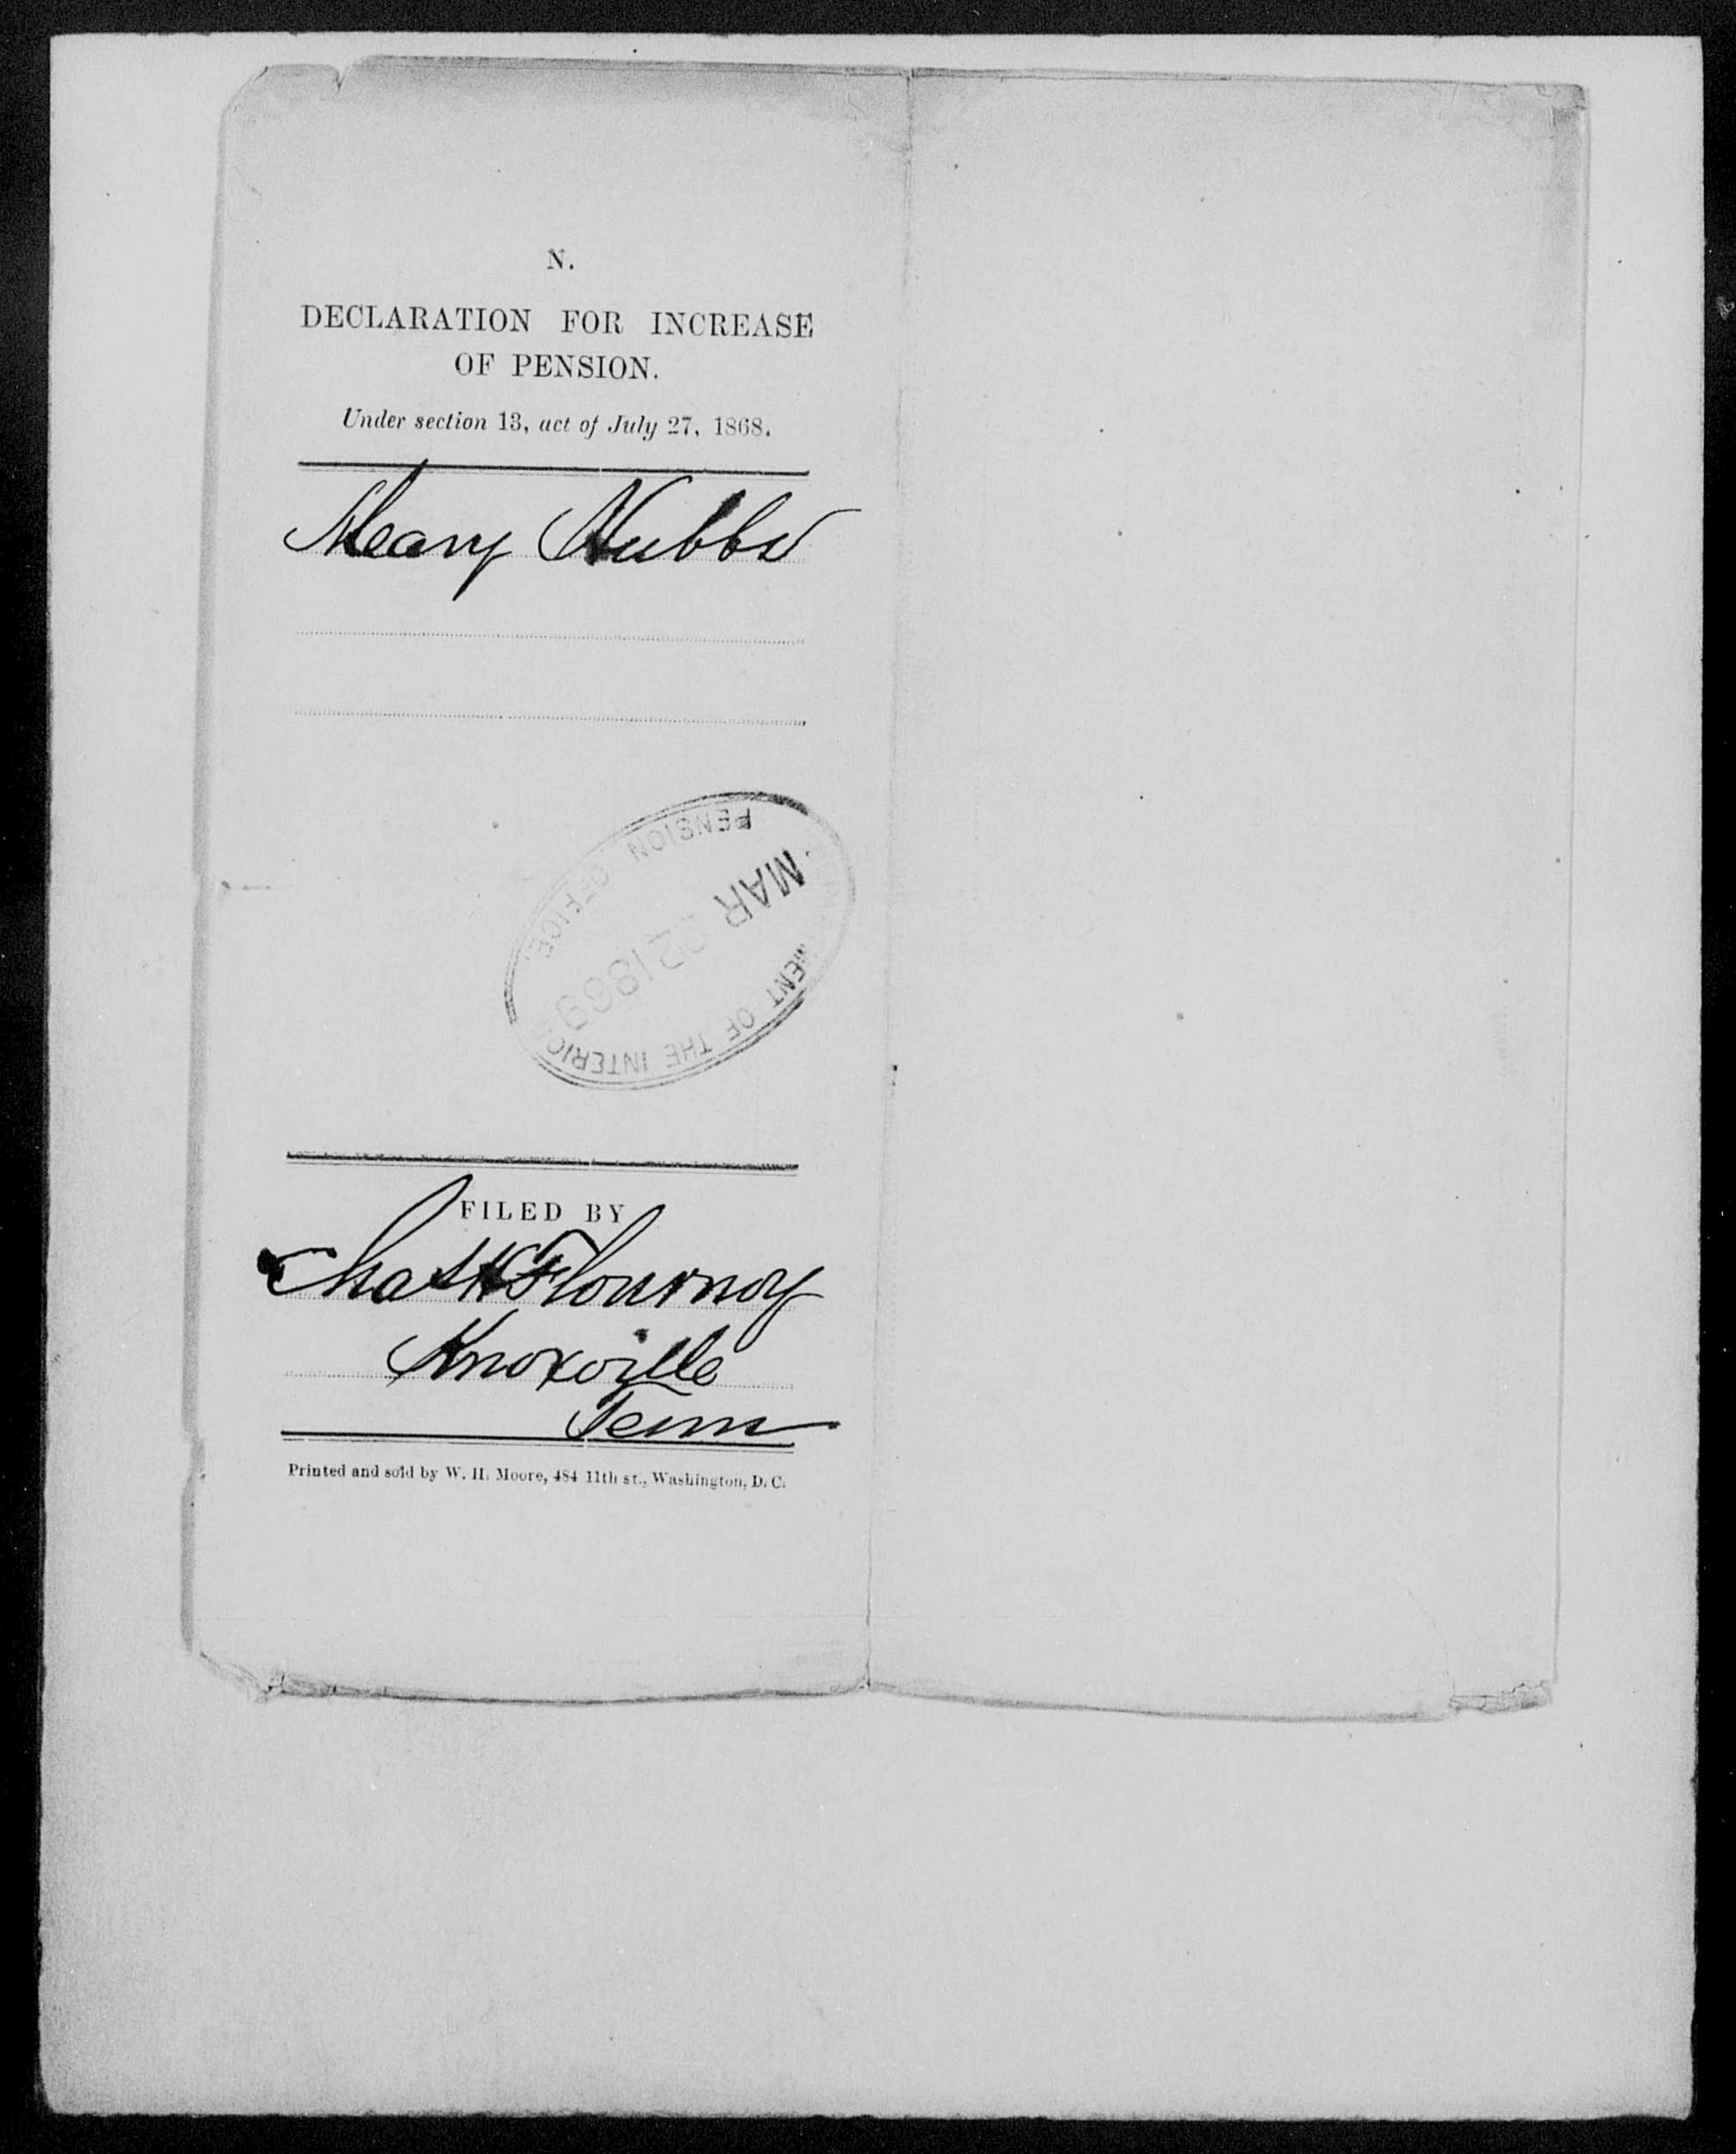N.
DECLARATION FOR INCREASE
OF PENSION.
Under section 13, act of July 27, 1868
Mary Hubbs

Oval Stamp -Department of the Interior,
 Pension Office, Mar 22 1969

Filed by 
Chas H Flournoy
Knoxville Tenn
--------------
Printed and sold by W.H. Moore, 484 11th St., Washington, D.C.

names: Chas H Flournoy, Mary Hubbs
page: 64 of 86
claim: widow's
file: W. 1035, John Hubbs, S.C.